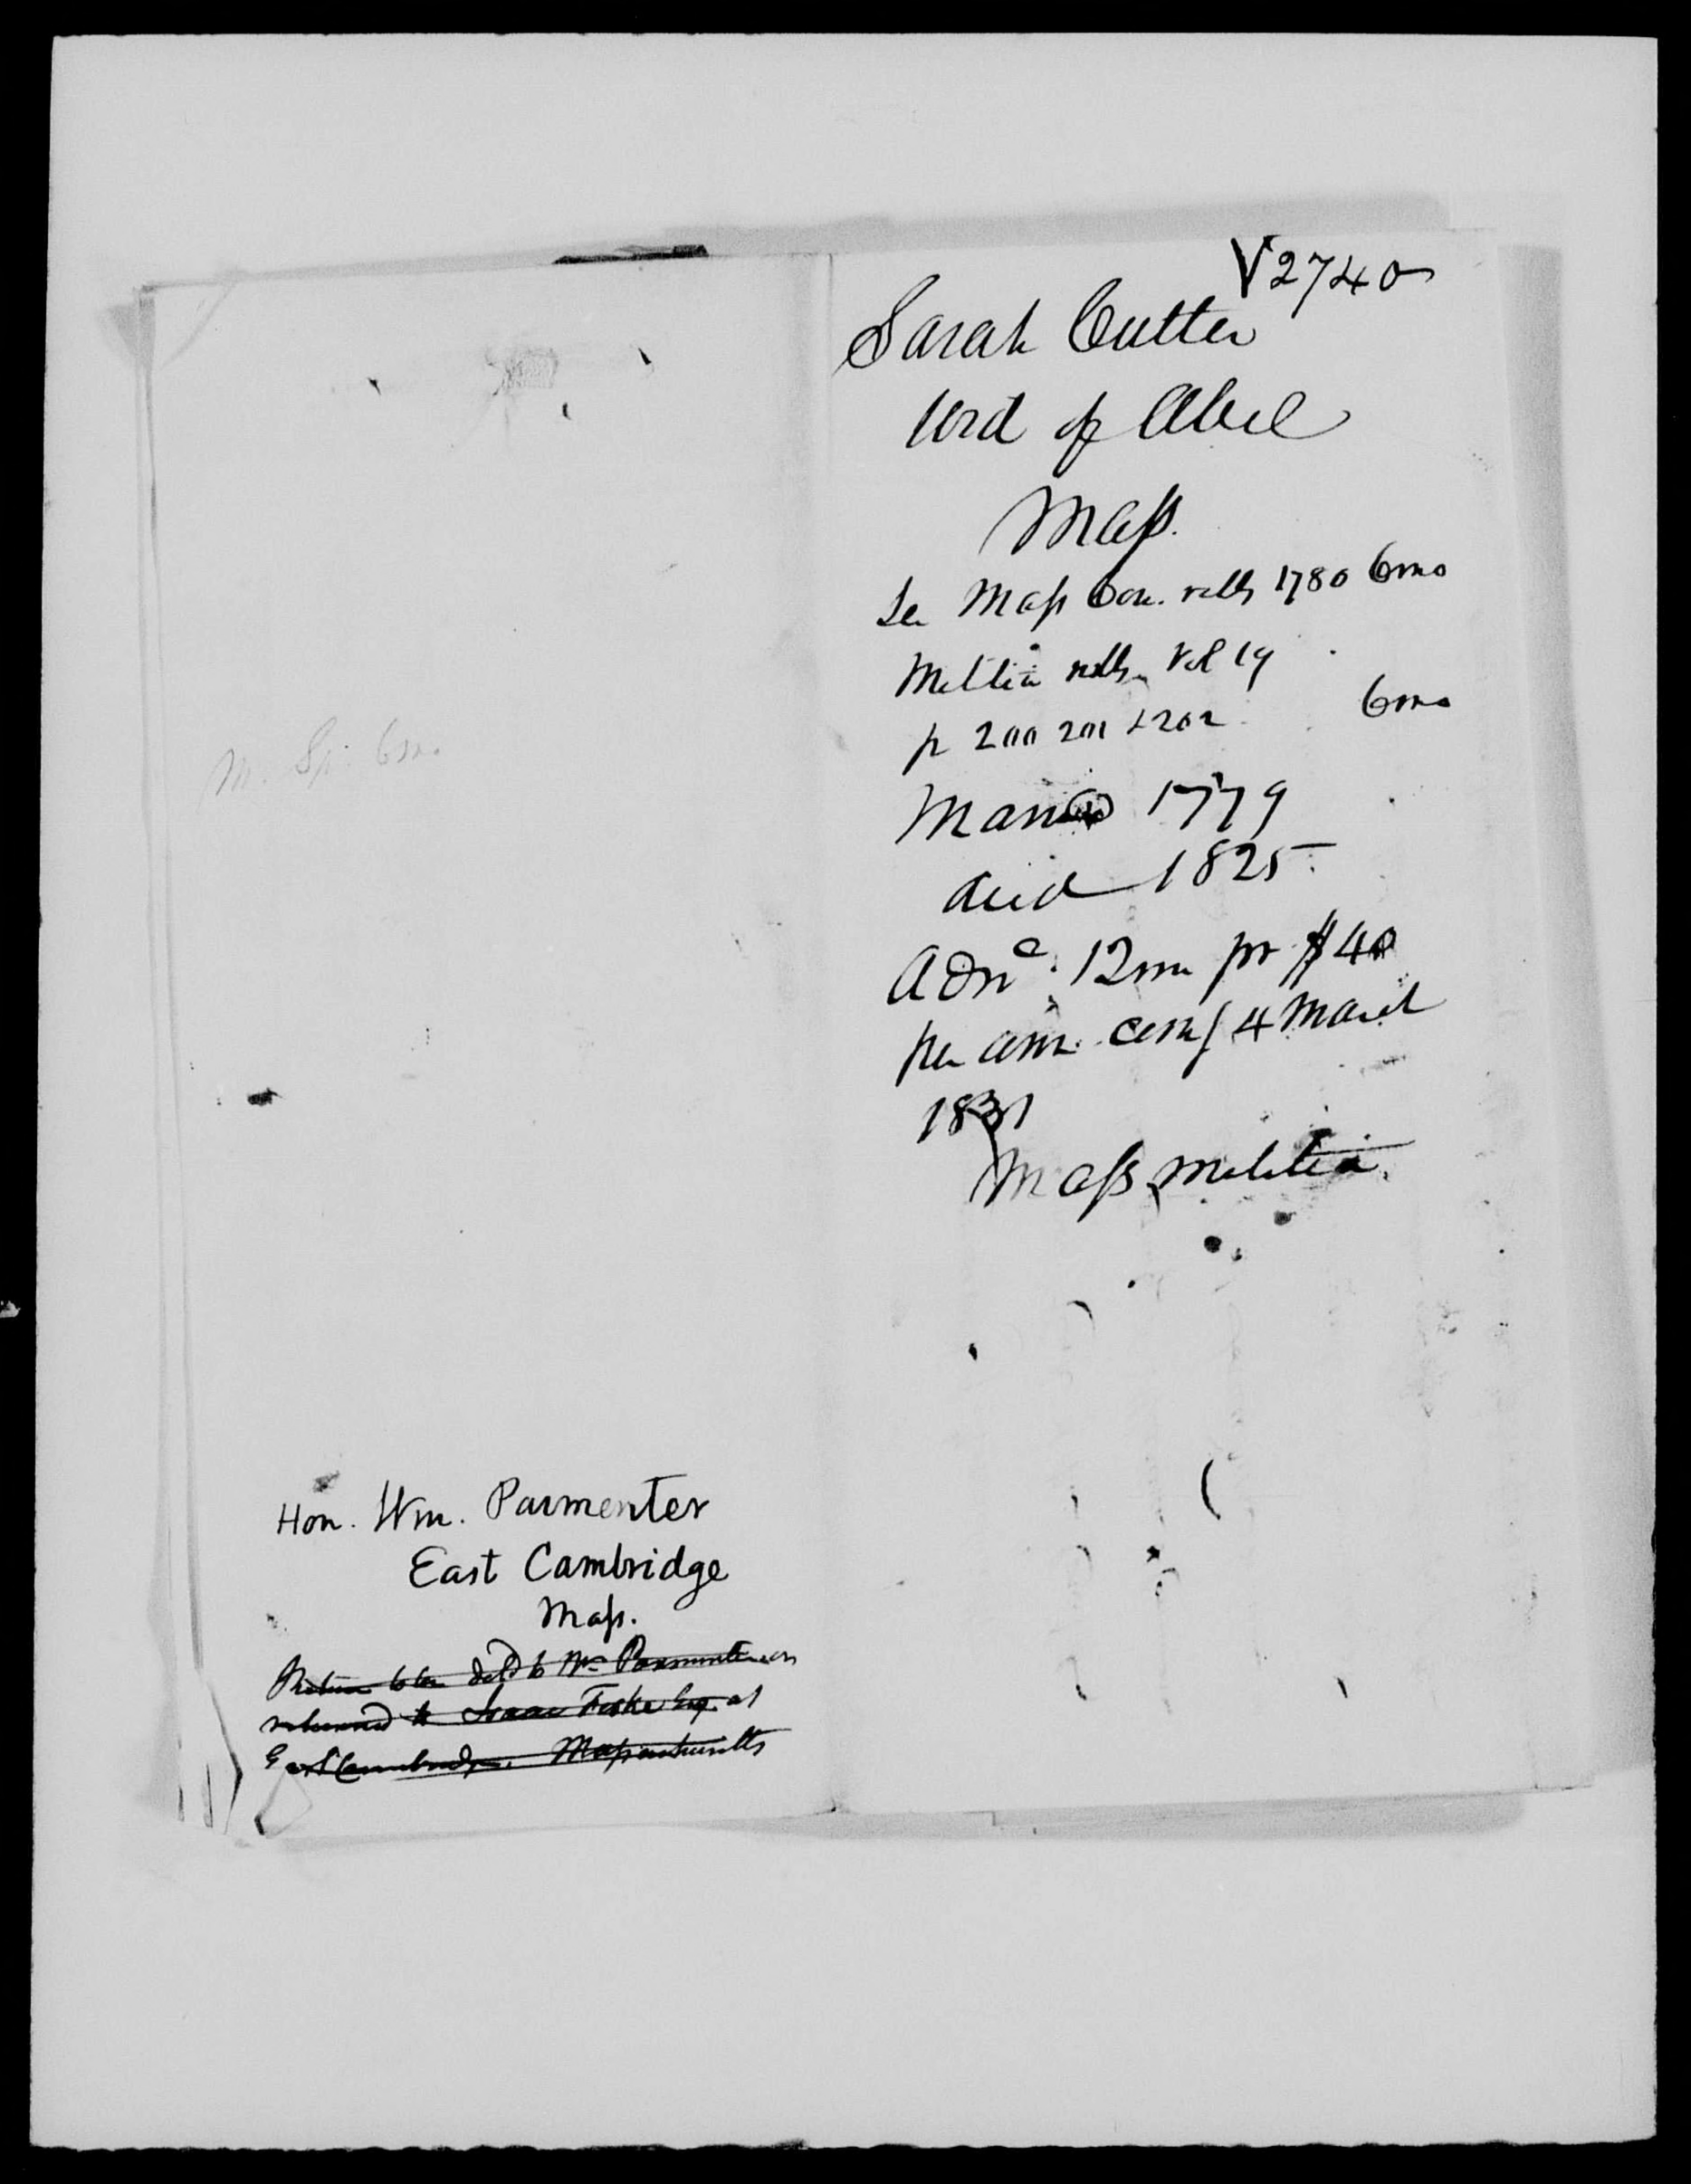V2740
Sarah Cutler
widow of Abel 
Massachusetts
Mass 1780 6 mo
militia [illegible]
p 200 201 202 6 mos
married 1779
decd 1825
Adm 12 mo $40
per am. cen/7 March 1837
Mass militia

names: Isaac Feske, Wm Parmenter, Sarah Cutler, Wm Parmenter, Abel Cutler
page: 3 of 22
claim: widow's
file: W. 14,552, Abel Cutler, Mass.